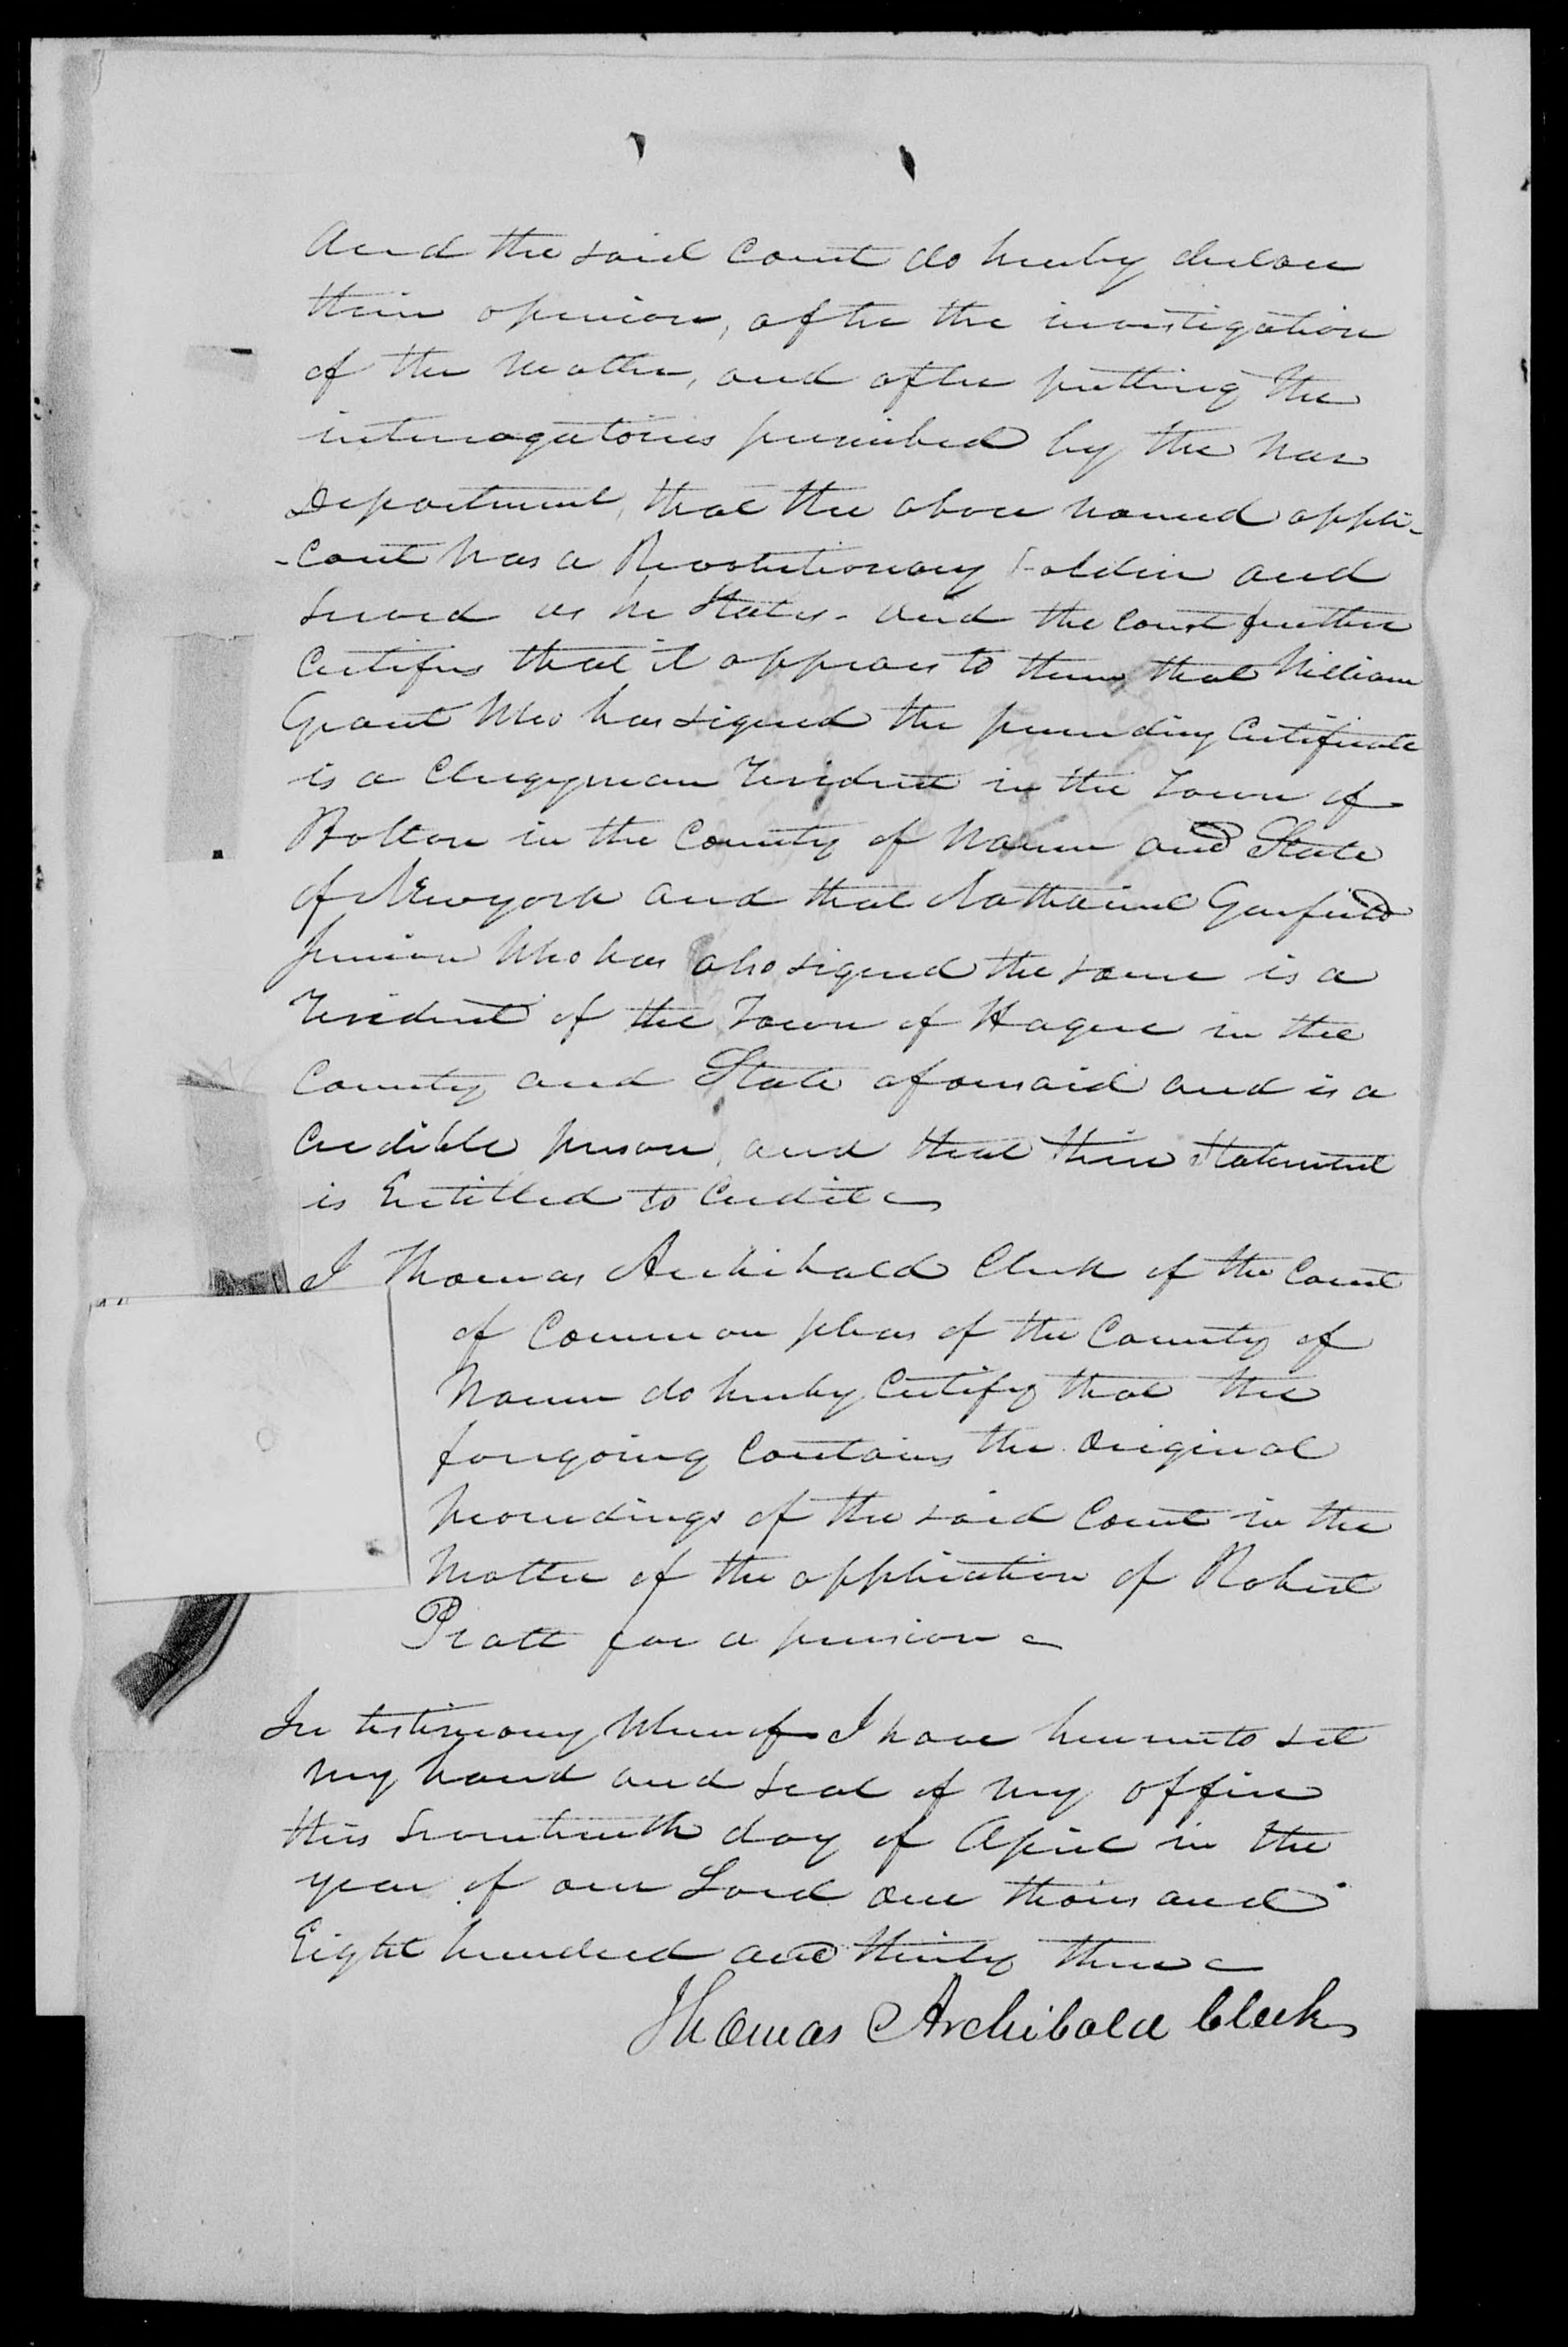And the said Court do hereby declare
their opinion, after the investigation
of the matter, and after putting the
interrogatories prescribed by the war
Department, that the above named applicant was a Revolutionary soldier and served as he states. And the Court further certifies that it appears to them that William Grant who has signed the preceding certificate is a Clergyman resident in the Town of Bolton in the County of Warren and State of New York and that Nathaniel Garfield, Junior, who has also signed the same is a resident of the Town of Hague in the County and State aforesaid and is a
credible person, and that their statement 
is entitled to credit-

I Thomas Archibald Clerk of the Court
of Common pleas of the County of
Warren do hereby certify that the
foregoing contains the original
proceedings of the said Court in the
matter of the application of Robert
Pratt for a pension-
In testimony whereof I have hereunto set
my hand and seal of my office
this seventeenth day of April in the
year of our Lord one thousand
Eight hundred and thirty three -
Thomas Archibald Clerk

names: William Grant; Nathaniel Garfield; Robert Pratt; Thomas Archibald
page: 16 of 23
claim: survivor's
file: S. 14,229, for Robert Pratt, New York